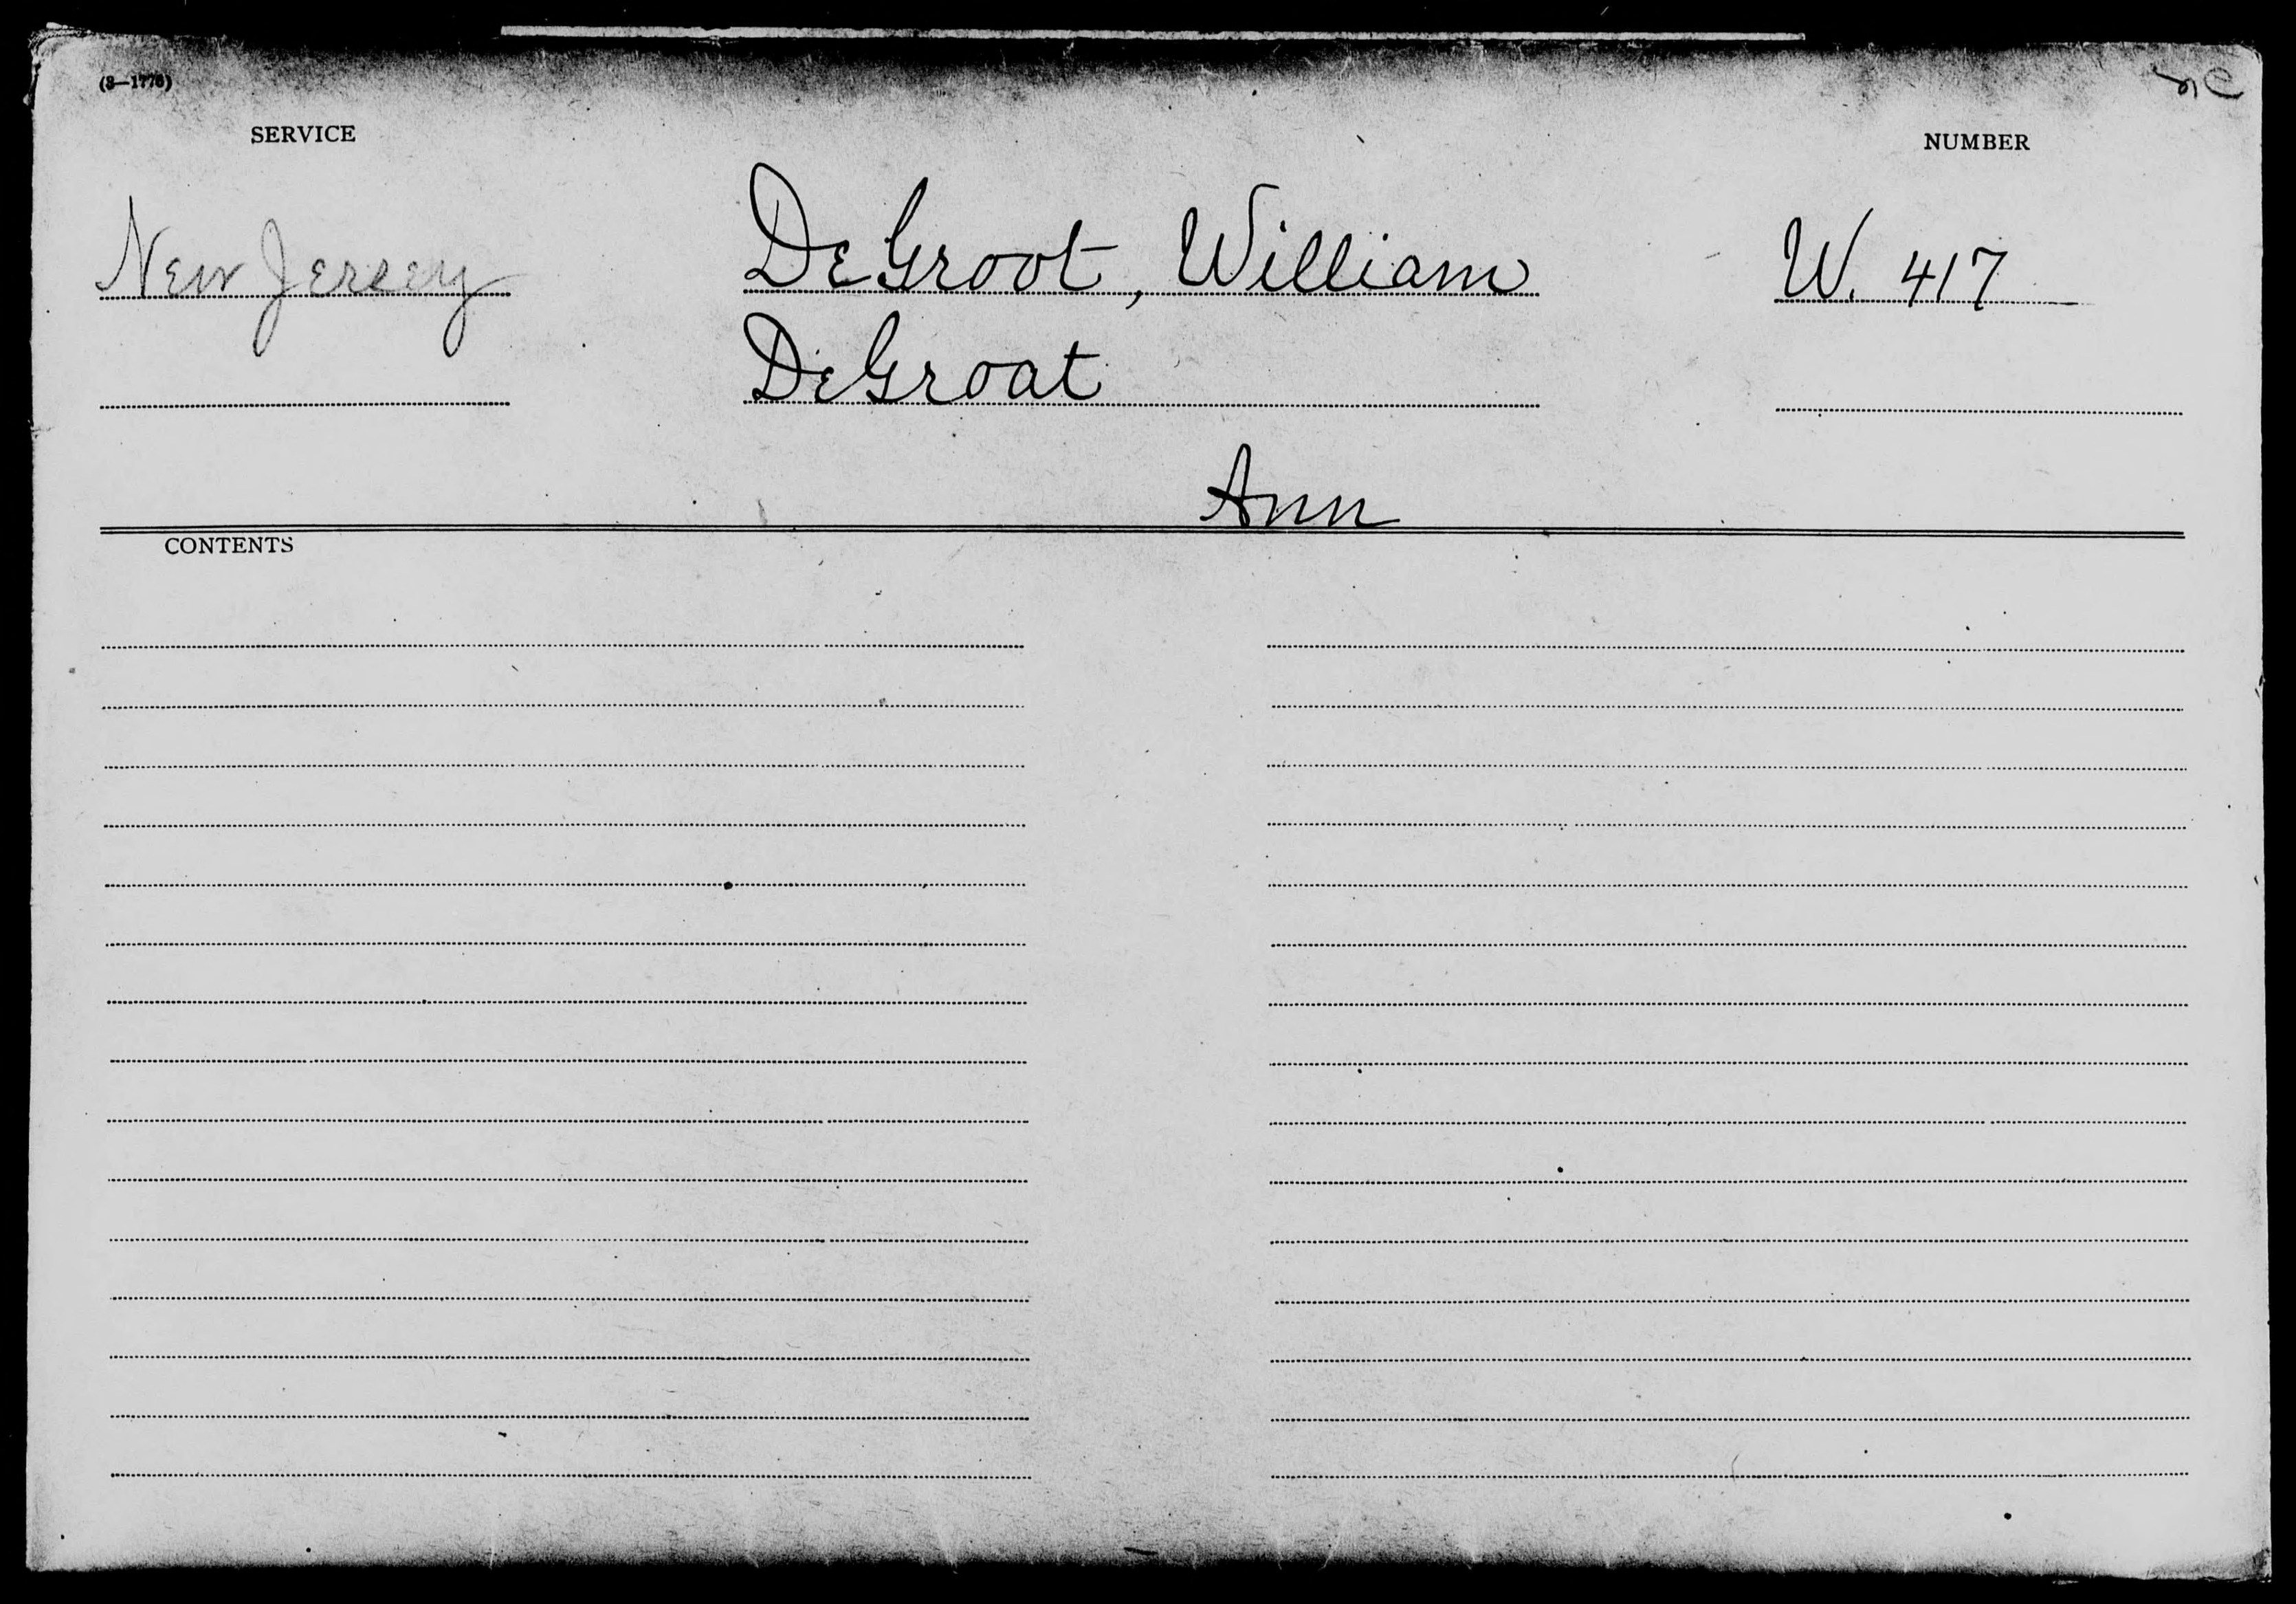SERVICE
New Jersey
DeGroot, William
DeGroat
NUMBER
W. 417
Ann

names: William De Groat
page: 1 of 77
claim: widow's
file: W. 417, William De Groot, New Jersey